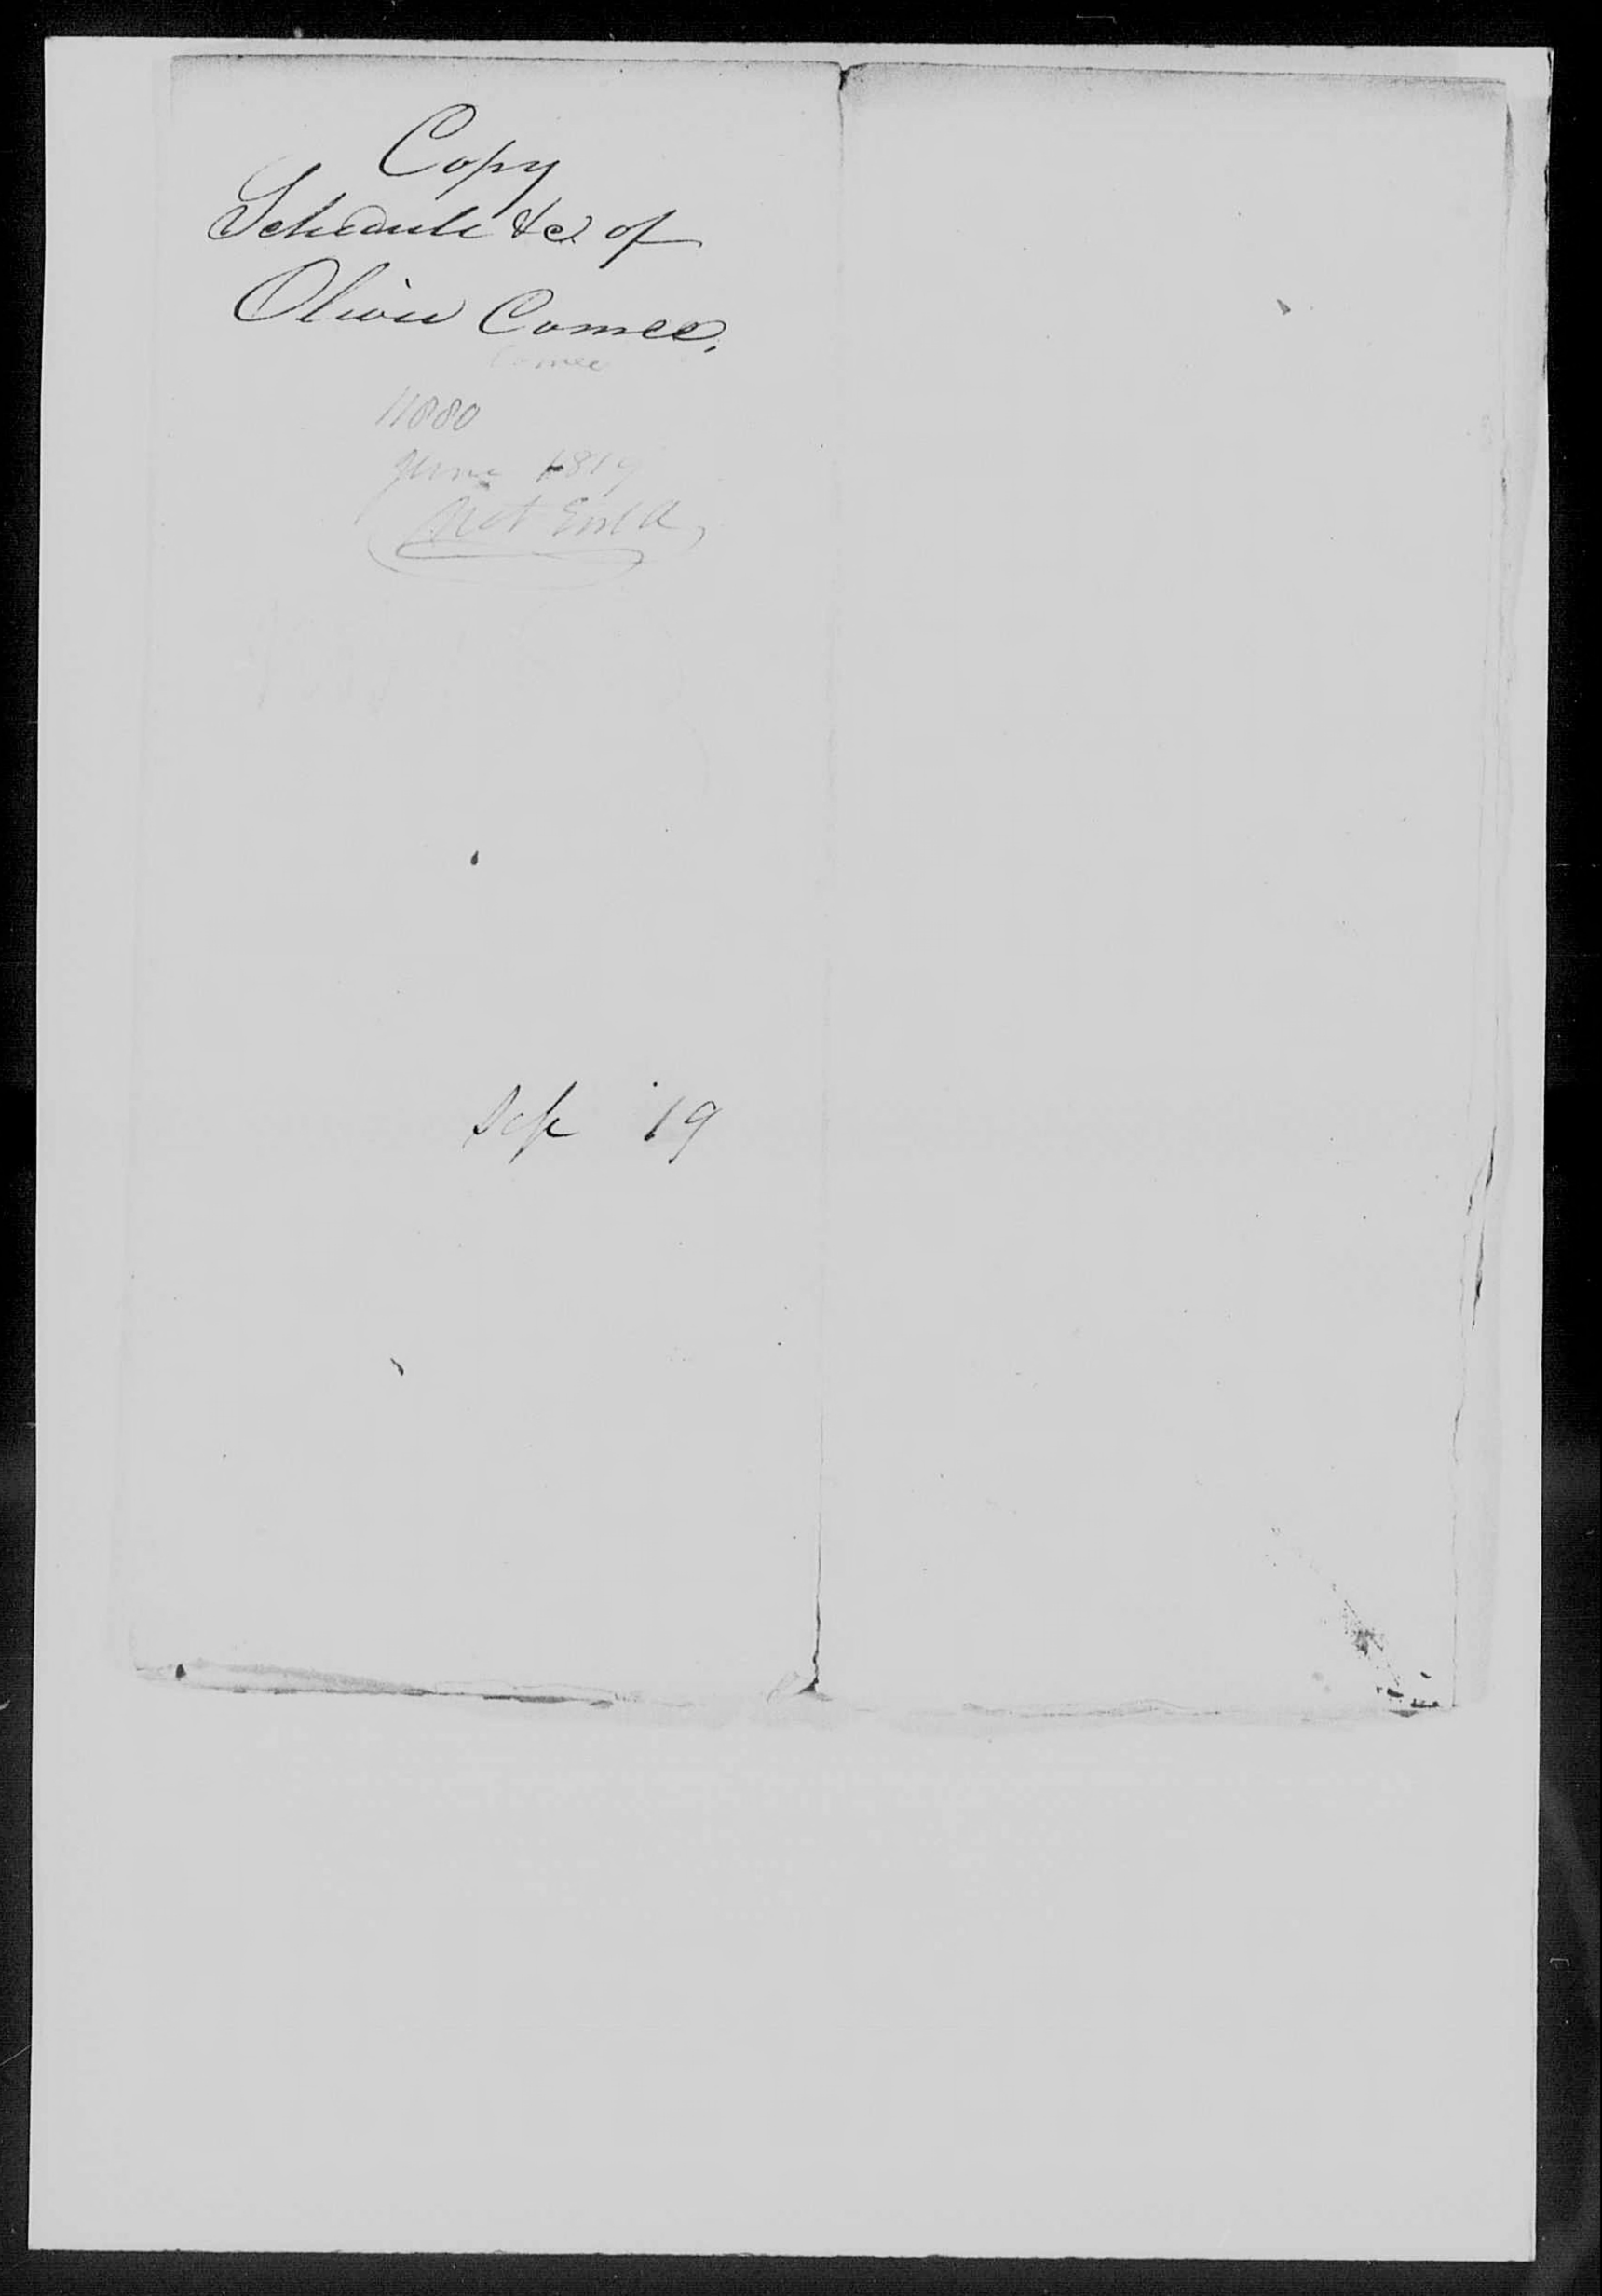Copy Schedule &c of Oliver Comee 11000
June 1819 not Emla, 

Sept 19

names: Oliver Comee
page: 8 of 45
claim: widow's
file: W. 14,567, Oliver Comee, Mass.